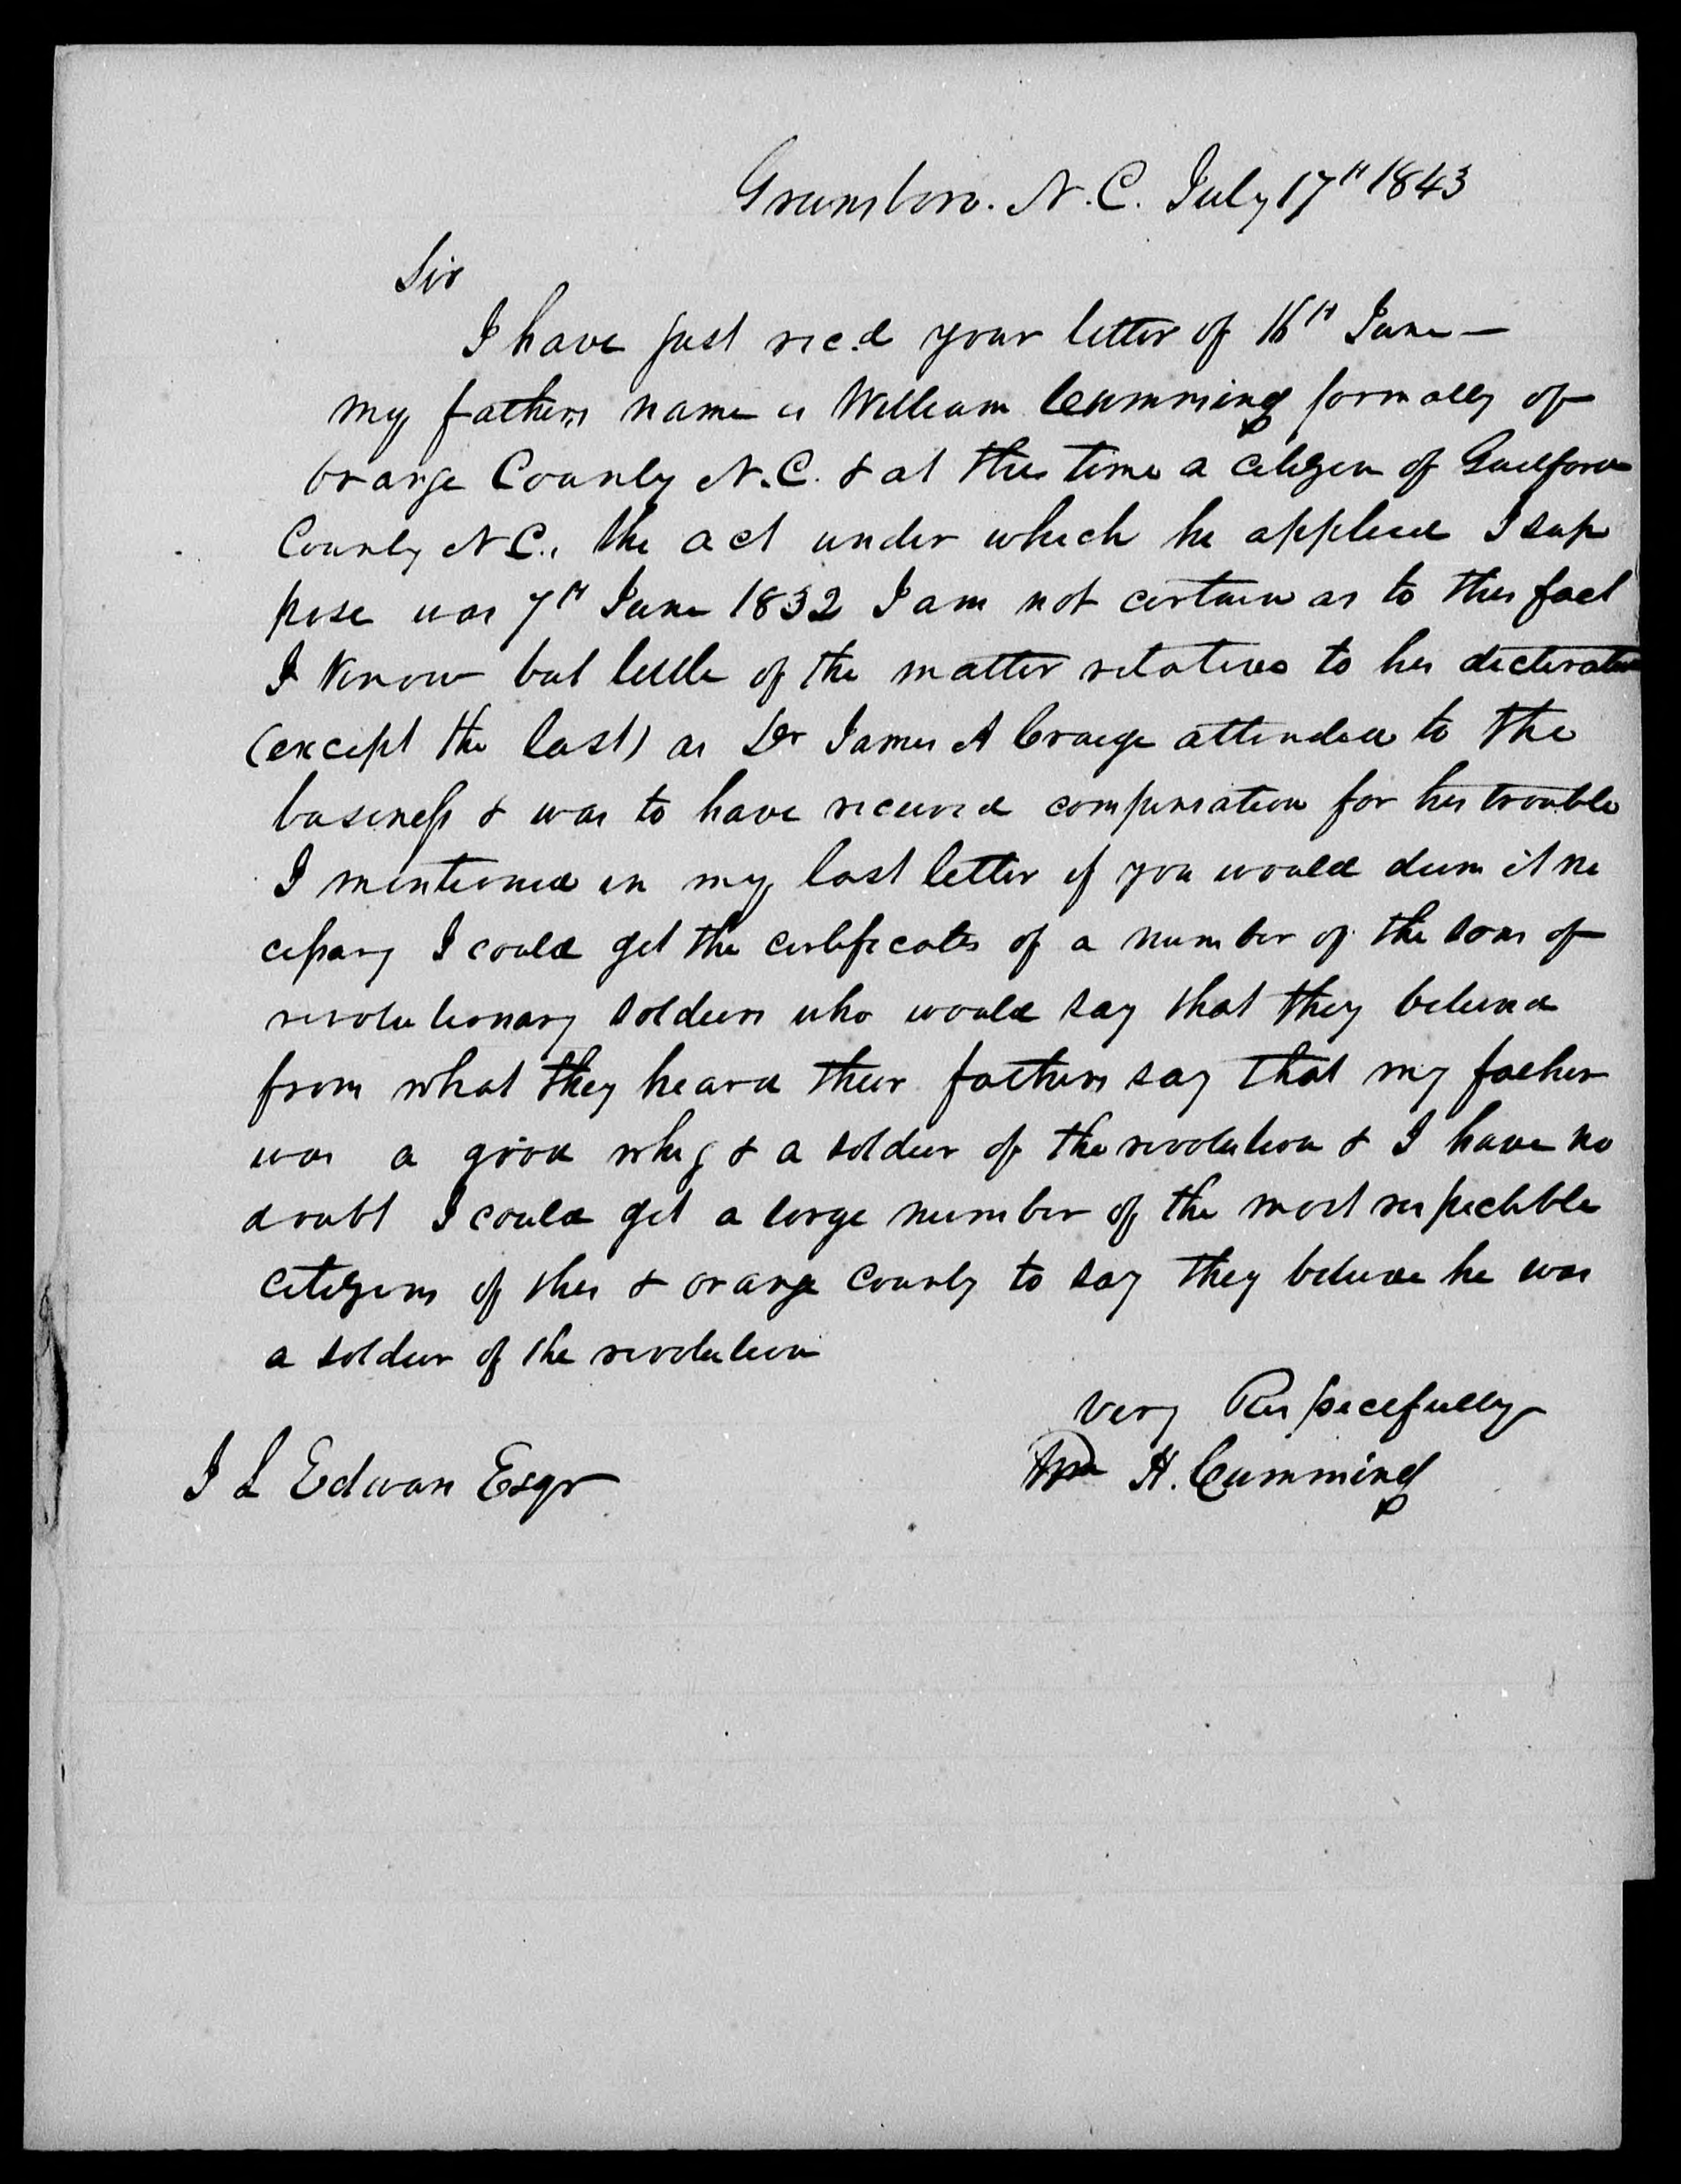[Handwritten letter.  Occasional spacing has been included to make the long text block easier to read.]

Greensboro. N.C. July 17th 1843

Sir

I have just rec.d [received] your letter of 16th June [June 16, 1843] - my father's name is William Cumming formally [formerly] of Orange County N.C. and at the time a citizen of Guilford County NC., the act under which he applied I suppose was 7th June 1832  I am not certain as to this fact  

I know but little of the matter relative to his declerat_  [last letters of the preceding word were cut off at the edge of the page, but the word was probably decleration meaning declaration] (except the last) as Dr James A Craige attended to the business and was to have secured compensation for his trouble. 

I mentioned in my last letter if you would deem it necessary I could get the certificates of a number of the sons of revolutionary Soldiers who would say that they believe [or believed] from what they heard their fathers say  that my father was a good whig and a soldier of the revolution and I have no doubt I could get a large number of the most respectible [respectable] Citizens of this and Orange County to say they believe he was a soldier of the revolution

Very Respectfully
Wm H. Cumming [or Cummins]

J L [or J S] Edwar [probably meaning J L Edwards] Esqr [Esquire]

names: Wm H Cumming, James A Craige, J L Edwan, William Cumming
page: 105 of 145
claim: survivor's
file: S. 8265, William Cumming, N.C.